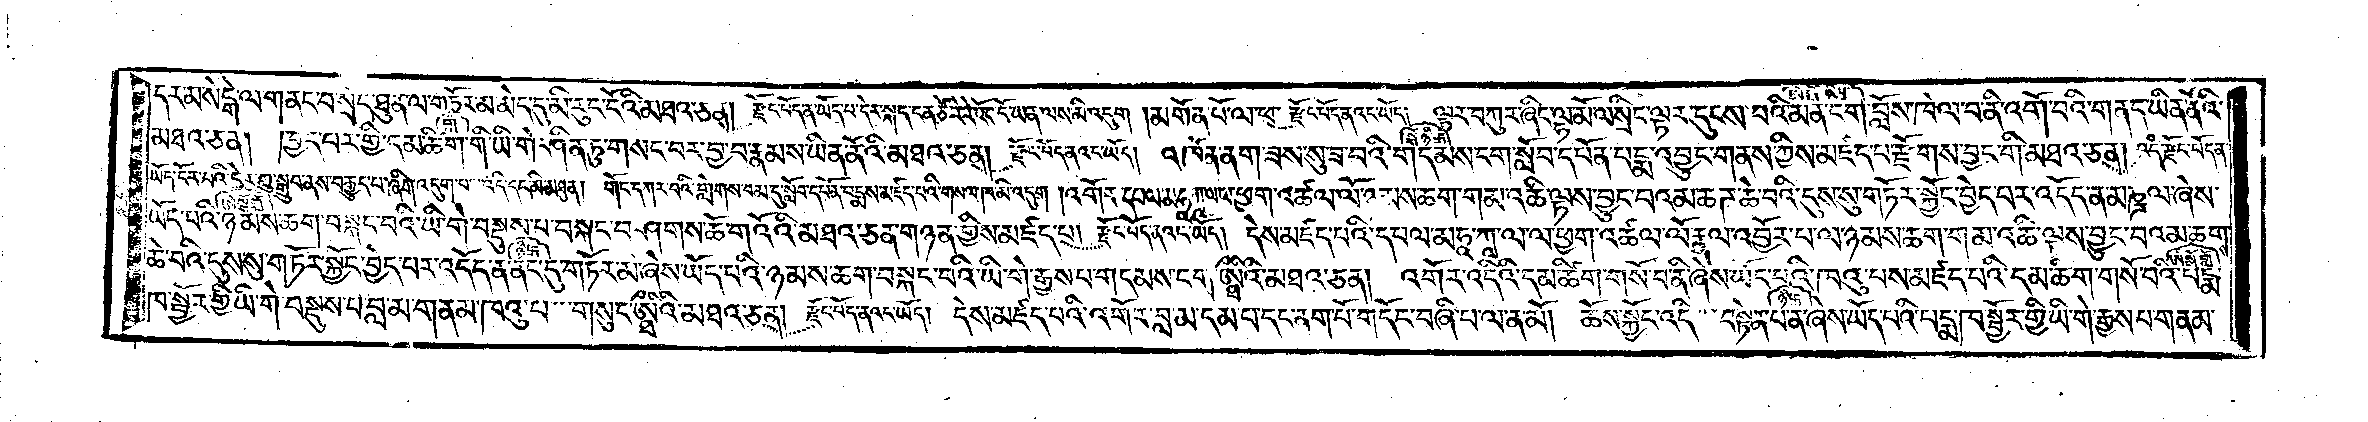དར་མ་སེངྒེ་ལ་གནང་བསྲེད་ཐུན་ལ་གཏོར་མ་མེད་དུ་མི་རུང་ངོའི་མཐའ་ཅན། རྫོང་པོད་ན་ཡོད་པ་དེར་སྐད་དན་ཙེ་རེ་རེ་འོང་ངོ་ཡན་ལས་མི་འདུག །  མགོན་པོ་ལ་ཕ་རྫོང་པོད་ནའང་ཡོད།  ལྟར་བཀུར་ཞིང་ལྷ་མོ་ལ་སྲིང་ལྟར་དུངས་པའི་མན་ངག་ཁེལ་བ་ནི་འགོ་བའི་གནད་ཡིན་ནོའི་
མཐའ་ཅན། ཁྱད་པར་གྱི་དམ་ཚིག་གི་ཡི་གེ་ཤིན་ཏུ་གསང་བར་བྱ་བ་རྣམས་ཡིན་ནོའི་མཐའ་ཅན། རྫོང་པོད་ནའང་ཡོད།  འཁོན་ནག་ཟས་སུ་ཟ་བའི་གདམས་ངག་སློབ་དཔོན་པདམ་འབྱུང་གནས་ཀྱིས་མཛད་པ་རྫོགས་བྱང་གི་མཐའ་ཅན། འདཾ་རྫོང་པོད་ན་ཡོད་ངོར་
པའི་དེར་ཀྲུ་སྒྲུབ་ནས་བརྒྱུད་པ་ཞིག་འདུག་པ་འདི་དང་མི་མཐུན། གོང་དཀར་བའི་གླེགས་བམ་དུ་སློབ་དཔོན་པདམས་མཛོད་པའི་གསལ་ཁ་མི་འདུག །འགོར་དཔལ་མཧཱ་ཀ་ལ་ལ་ཕྱག་འཚལ་ལོ་ཉམས་ཆག་གམ་འཆི་ལྟས་བྱུང་བའམ་ཆཌ་ཆེ་བའི་དུས་སུ་གཏོར་སྐྱོང་བྱེད་བར་འདོད་ན་མཎྜལ་ཞེས་
ཡོད་པའི་ཉམས་ཆག་བསྐང་བའི་ཡི་གེ་བསྡུས་པ་བསྐང་བཤགས་ཆོ་གའོའི་མཐའ་ཅན་གཉན་གྱིས་མཛད་པ། རྫོང་པོད་ནའང་ཡོད།  དེས་མཛད་པའི་དཔལ་མཧཱ་ཀཱ་ལ་ལ་ཕྱག་འཚལ་ལོ་རྣལ་འབྱོར་པ་ལ་ཉམས་ཆག་གམ་འཆི་ལྟས་བྱུང་བའམ་མཆགས་
ཆེ་བའི་དུས་སུ་གཏོར་སྐྱོང་བྱེད་པར་འདོད་ན་ནང་དུ་གཏོར་མ་ཞེས་ཡོད་པའི་ཉམས་ཆག་བསྐང་བའི་ཡི་གེ་རྒྱས་པ་གདམས་ངག་ཨིཐིའི་མཐའ་ཅན། འགོར་འདིའི་དམ་ཚིག་གསོ་བ་ནི་ཞེས་ཡོད་པའི་ཁའུ་པས་མཛད་པའི་དམ་ཚིག་གསོ་བའི་པདམ་
ཁ་སྦྱོར་གྱི་བསྡུས་པ་བླ་མ་གནམ་ཁའུ་པ་གསུང་ཨིཐིའི་མཐའ་ཅན། རྫོང་པོད་ནའང་ཡོད།  དེས་མཛད་པའི་འགོར་བླ་མ་དམ་པ་དང་ནག་པོ་གདོང་བཞི་པ་ལ་ན་མོ། ཆོས་སྐྱོང་འདི་བསྟེན་པ་ན་ཞེས་ཡོད་པའི་པདམ་ཁ་སྦྱོར་གྱི་ཡི་གེ་རྒྱས་པ་གནམ་